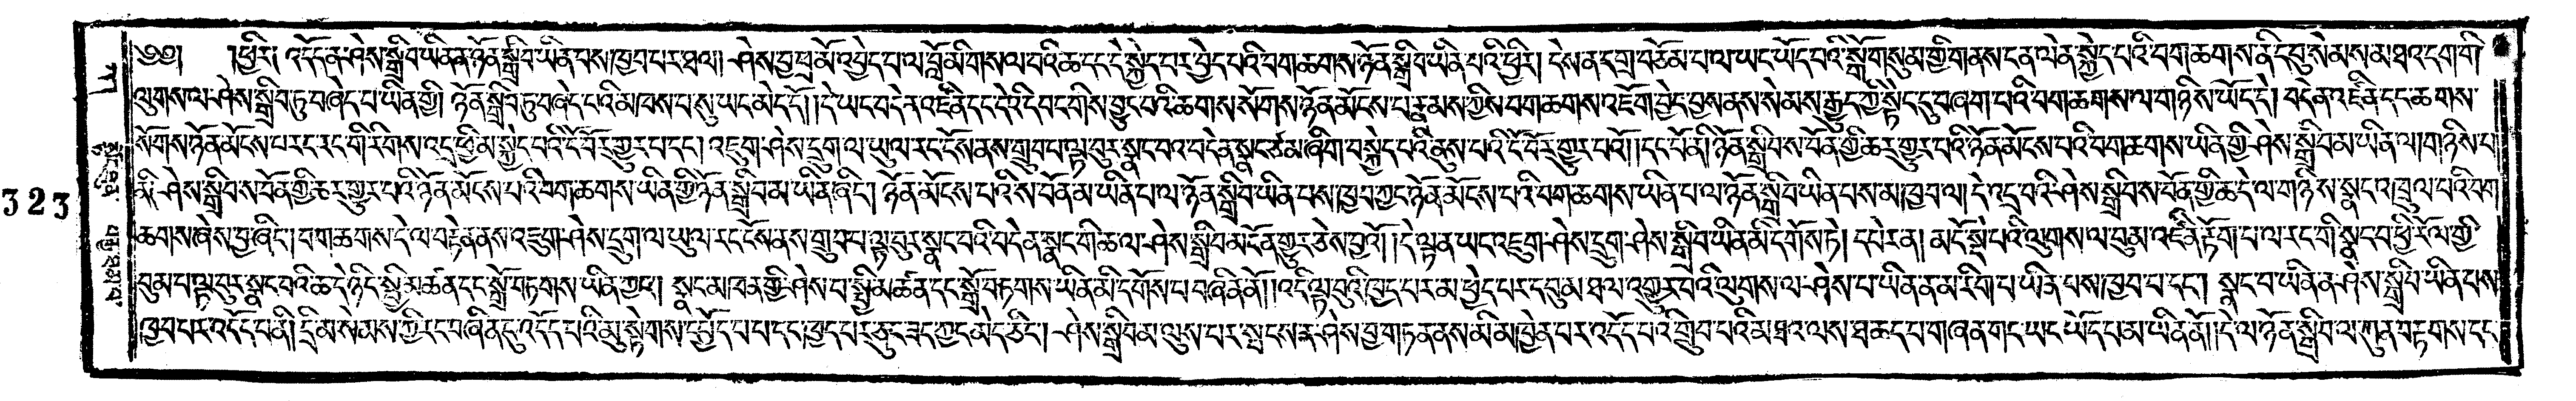༄༅། །ཕྱིར༑ འདོད་ན་ཤེས་སྒྲིབ་ཡིན་ན་ཉོན་སྒྲིབ་ཡིན་བས་ཁྱབ་པར་ཐལ། ཤེས་བྱ་ཕྲ་མོ་འབྱེད་པ་ལ་བློ་མི་གསལ་བའི་ཆ་དང་དེ་སྐྱེད་པར་བྱེད་པའི་བག་ཆགས་ཉོན་སྒྲིབ་ཡིན་པའི་ཕྱིར། དེས་ན་དགྲ་བཅོམ་པ་ལ་ཡང་ཡོད་པའི་སྒོ་གསུམ་གྱི་གནས་ངན་ལེན་སྐྱེད་པའི་བག་ཆགས་ནི་དབུ་སེམས་མཐའ་དག་གི་
ལུགས་ལ་ཤེས་སྒྲིབ་ཏུ་བཞེད་པ་ཡིན་གྱི། ཉོན་སྒྲིབ་ཏུ་བཞེད་པའི་མཁས་པ་སུ་ཡང་མེད་དོ། །དེ་ཡང་བདེན་འཛིན་དང་དེའི་དབང་གིས་བྱུང་བའི་ཆགས་སོགས་ཉོན་མོངས་པ་རྣམས་ཀྱིས་བག་ཆགས་འཇོག་བྱེད་བྱས་ནས་སེམས་རྒྱུད་ཀྱི་སྟེང་དུ་བཞག་པའི་བག་ཆགས་ལ་གཉིས་ཡོད་དེ། བདེན་འཛིན་དང་ཆགས་
སོགས་ཉོན་མོངས་པ་རང་རང་གི་རིགས་འདྲ་ཕྱི་མ་སྐྱེད་བའི་ངོ་བོར་གྱུར་པ་དང་། འཇུག་ཤེས་དྲུག་ལ་ཡུལ་རང་ངོས་ནས་གྲུབ་པ་ལྟ་བུར་སྣང་བའི་བདེན་སྣང་ཙམ་ཞིག་བསྐྱེད་པའི་ནུས་པའི་ངོ་བོར་གྱུར་བའོ། །དང་པོ་ནི། ཉོན་སྒྲིབ་ས་བོན་གྱི་ཆར་གྱུར་པའི་ཉོན་མོངས་པའི་བག་ཆགས་ཡིན་གྱི་ཤེས་སྒྲིབ་མ་ཡིན་ལ། གཉིས་པ་
ནི༑ ཤེས་སྒྲིབ་ས་བོན་གྱི་ཆར་གྱུར་པའི་ཉོན་མོངས་པའི་བག་ཆགས་ཡིན་གྱི་ཉོན་སྒྲིབ་མ་ཡིན་ཞིང་། ཉོན་མོངས་པའི་ས་བོན་མ་ཡིན་པ་ལ་ཉོན་སྒྲིབ་ཡིན་པས་ཁྱབ་ཀྱང་ཉོན་མོངས་པའི་བག་ཆགས་ཡིན་པ་ལ་ཉོན་སྒྲིབ་ཡིན་པས་མ་ཁྱབ་ལ། དེ་འདྲ་བའི་ཤེས་སྒྲིབ་ས་བོན་གྱི་ཆ་དེ་ལ་གཉིས་སྣང་འཁྲུལ་པའི་བག་
ཆགས་ཞེས་བྱ་ཞིང་། བག་ཆགས་དེ་ལ་བརྟེན་ནས་འཇུག་ཤེས་དྲུག་ལ་ཡུལ་རང་ངོས་ནས་གྲུབ་པ་ལྟ་བུར་སྣང་བའི་བདེན་སྣང་གི་ཆ་ལ་ཤེས་སྒྲིབ་མངོན་གྱུར་ཅེས་བྱའོ། །དེ་ལྟ་ན་ཡང་འཇུག་ཤེས་དྲུག་ཤེས་སྒྲིབ་ཡིན་མི་དགོས་ཏེ། དཔེར་ན། མདོ་སྡེ་པའི་ལུགས་ལ་བུམ་འཛིན་རྟོག་པ་ལ་རང་གི་སྣང་བ་ཕྱི་རོལ་གྱི་
བུམ་པ་ལྟ་བུར་སྣང་བའི་ཆ་དེ་ཉིད་སྤྱི་མཚན་དང་སྒྲོ་བཏགས་ཡིན་ཀྱང་། སྣང་མཁན་གྱི་ཤེས་བ་སྤྱི་མཚན་དང་སྒྲོ་བཏགས་ཡིན་མི་དགོས་པ་བཞིན་ནོ། །འདི་ལྟ་བུའི་ཁྱད་པར་མ་ཕྱེད་པར་དབུ་མ་ཐལ་འགྱུར་བའི་ལུགས་ལ་ཤེས་པ་ཡིན་ནམ་རིག་པ་ཡིན་པས་ཁྱབ་པ་དང་། སྣང་བ་ཡིན་ན་ཤེས་སྒྲིབ་ཡིན་པས་
ཁྱབ་པར་འདོད་པ་ནི། དྲི་མ་སེམས་ཀྱི་རང་བཞིན་དུ་འདོད་པའི་མུ་སྟེགས་དཔྱོད་པ་པ་དང་ཁྱད་པར་ཅུང་ཟད་ཀྱང་མེད་ཅིང་། ཤེས་སྒྲིབ་མ་ལུས་པར་སྤངས་ན་ཤེས་བྱ་གཏན་ནས་མི་མཁྱེན་པར་འདོད་པའི་གྲུབ་པའི་མཐའ་ལས་ཐ་ཆད་པ་གཞན་གང་ཡང་ཡོད་པ་མ་ཡིན་ནོ། །དེ་ལ་ཉོན་སྒྲིབ་ལ་ཀུན་བརྟགས་དང་